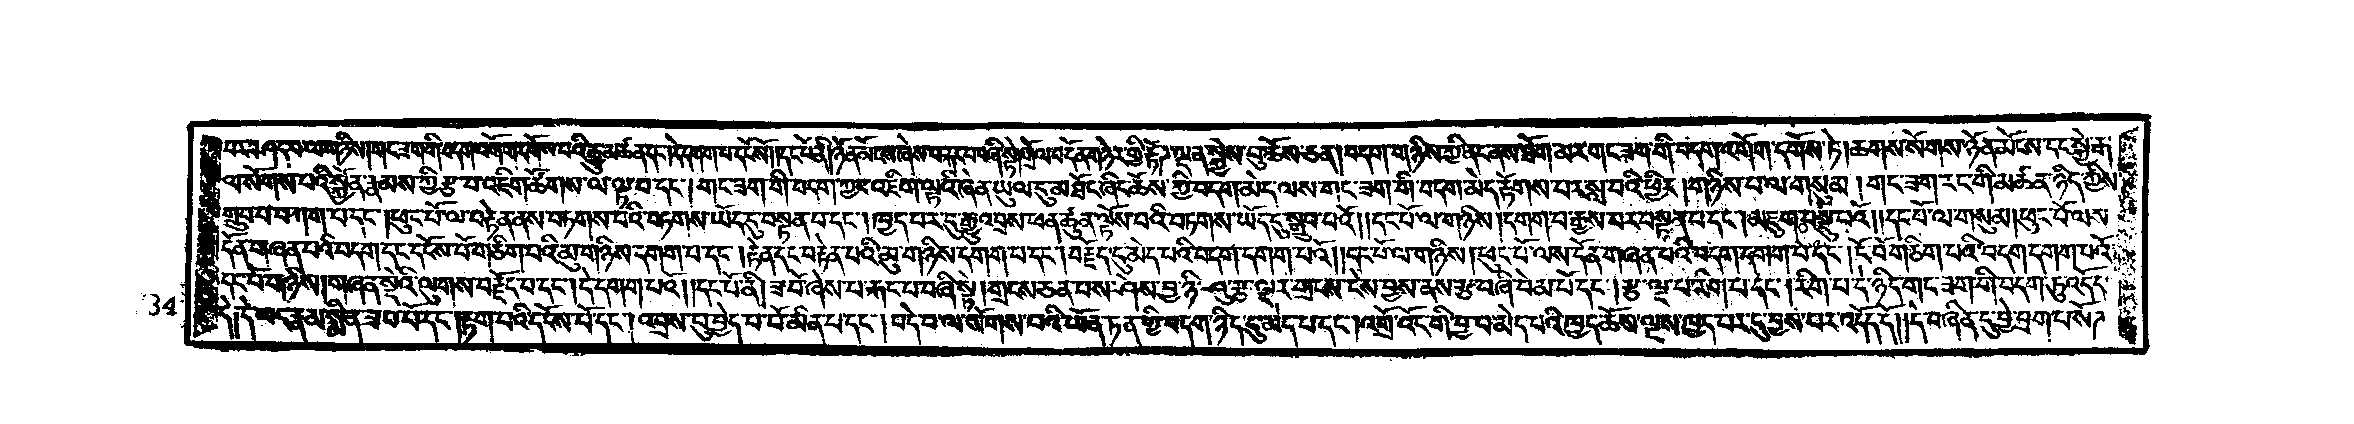པར་བཤད་པ་ལ་གཉིས། གང་ཟག་གི་བདག་འགོག་དགོས་པའི་རྒྱུ་མཚན་དང་། དེ་དགག་པ་དངོས་སོ། །དང་པོ་ནི། ཉོན་མོངས་ཞེས་པ་རྐང་པ་བཞི་སྟེ། གྲོལ་བ་དོན་གཉེར་གྱི་རྟོགས་ལྡན་སྐྱེས་བུ་ཆོས་ཅན། བདག་གཉིས་ཀྱི་ནང་ནས་ཐོག་མར་གང་ཟག་གི་བདག་འགོག་དགོས་ཏེ། ཆགས་སོགས་ཉོན་མོངས་དང་སྐྱེ་རྒ་
ལ་སོགས་པའི་སྐྱོན་རྣམས་ཀྱི་རྩ་བ་འཇིག་ཚོགས་ལ་ལྟ་བ་དང་། གང་ཟག་གི་བདག་ཀྱང་འཇིག་ལྟའི་ཞེན་ཡུལ་དུ་མཐོང་ཞིང་ཆོས་ཀྱི་བདག་མེད་ལས་གང་ཟག་གི་བདག་མེད་རྟོགས་པར་སླ་བའི་ཕྱིར། གཉིས་པ་ལ་གསུམ། གང་ཟག་རང་གི་མཚན་ཉིད་ཀྱིས་
གྲུབ་པ་བཀག་པ་དང་། ཕུང་པོ་ལ་བརྟེན་ནས་བཏགས་པའི་བཏགས་ཡོད་དུ་བསྟན་པ་དང་། ཁྱད་པར་དུ་རྒྱུ་འབྲས་ཕན་ཚུན་ལྟོས་པའི་བཏགས་ཡོད་དུ་སྒྲུབ་པའོ། །དང་པོ་ལ་གཉིས། དགག་པ་རྒྱས་པར་བསྟན་པ་དང་། མཇུག་བསྡུ་བའོ། །དང་པོ་ལ་གསུམ། ཕུང་པོ་ལས་
དོན་གཞན་པའི་བདག་དང་དངོས་པོ་གཅིག་པའི་མུ་གཉིས་དགག་པ་དང་། རྟེན་དང་བརྟེན་པའི་མུ་གཉིས་དགག་པ་དང་། བརྗོད་དུ་མེད་པའི་བདག་དགག་པའོ། །དང་པོ་ལ་གཉིས། ཕུང་པོ་ལས་དོན་གཞན་པའི་བདག་དགག་པ་དང་། ངོ་བོ་གཅིག་པའི་བདག་དགག་པའོ་
དང་པོ་གཉིས། གཞན་སྡེའི་ལུགས་བརྗོད་པ་དང་། དེ་དགག་པའོ། །དང་པོ་ནི། ཟ་བོ་ཞེས་པ་རྐང་པ་བཞི་སྟེ། གྲངས་ཅན་པས་ཤེས་བྱ་ཉི་ཤུ་རྩ་ལྔར་གྲངས་ངེས་བྱས་ནས་རྩ་བཞི་བེམ་པོ་དང་། རྩ་ལྔ་པ་རིག་པ་དང་། རིག་པ་དེ་ཉིད་གང་ཟག་གི་བདག་ཏུ་འདོད་
དེ༑ དེ་ཡང་རྣམ་སྨིན་ཟབ་པོ་དང་། རྟག་པའི་དངོས་པོ་དང་། འབྲས་བུ་བྱེད་པ་པོ་མིན་པ་དང་། བདེ་བ་ལ་སོགས་པའི་ཡོན་ཏན་གྱི་བདག་ཉིད་དུ་མེད་པ་དང་། འགྲོ་འོང་གི་བྱ་བ་མེད་པའི་ཁྱད་ཆོས་ལྔས་ཁྱད་པར་དུ་བྱས་པར་འདོད་དོ། །དེ་བཞིན་དུ་བྱེ་བྲག་པ་སོགས་